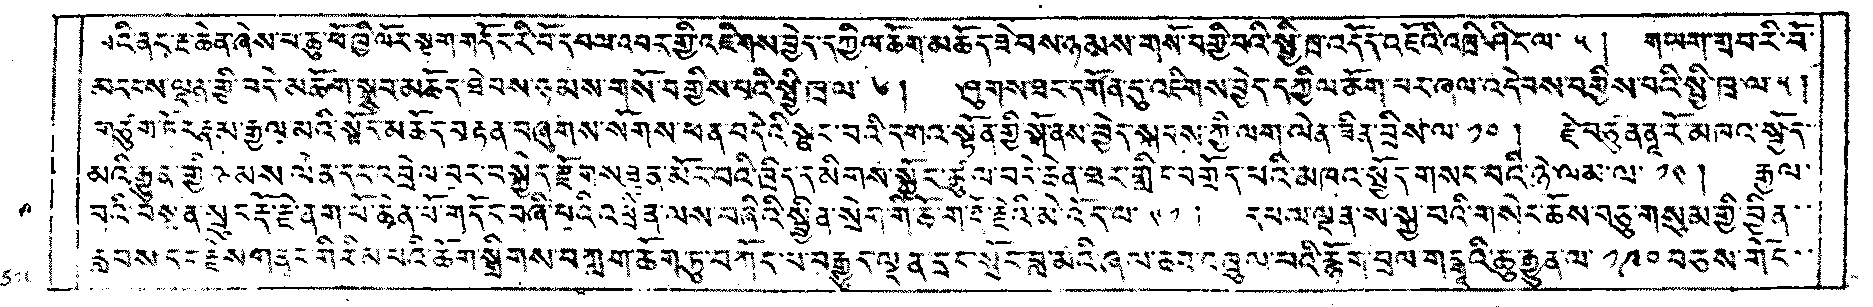པའི་ནང་རྔ་ཆེན་ཞེས་པ་ཆུ་ཕོ་ཁྱི་ལོར་སྟག་གདོང་རི་བོ་དཔལ་འབར་གྱི་འཇིགས་བྱེད་དཀྱིལ་ཆོག་མཆོད་ཐེབས་ཉམས་གསོལ་བགྱི་བའི་སྤྱི་ཁྲ་འདོད་འཇོའི་འཁྲི་ཤིང་ལ ༥། གཡག་གླུ་བ་རི་བོ་
མདངས་ལྡན་གྱི་བདེ་མཆོག་སྒྲུབ་མཆོད་ཐེབས་ཉམས་གསོ་བགྱིས་པའི་སྤྱི་ཁྲ་ལ ༦། ཤུགས་ཐང་དགོན་དུ་འཇིགས་བྱེད་དཀྱིལ་ཆོག་པར་ཞལ་འདེབས་བགྱིས་པའི་སྤྱི་ཁྲ་ལ ༥།
གཙུག་ཏོར་རྣམ་རྒྱལ་མའི་སྟོང་མཆོད་བརྟན་བཞུགས་སོགས་ཕན་བདེའི་སྣང་བའི་དགའ་སྟོན་གྱི་སྒོ་ནས་བྱེད་སྐབས་ཀྱི་ལག་ལེན་ཟིན་བྲིས་ལ ༡༠། རྗེ་བཙུན་ནཱ་རོ་མཁའ་སྤྱོད་
མའི་རྒྱུན་གྱི་ཉམས་ལེན་དང་འབྲེལ་བར་བསྐྱེད་རྫོགས་ཐུན་མོང་བའི་ཁྲིད་དམིགས་སྐྱོང་ཚུལ་བདེ་ཆེན་ཐར་གླིང་བགྲོད་པའི་མཁའ་སྤྱོད་གསང་བའི་ཉེ་ལམ་ལ ༡༤། རྒྱལ་
བའི་བསྟན་སྲུང་རྡོ་རྗེ་ནག་པོ་ཆེན་པོ་གདོང་བཞི་པའི་འཕྲིན་ལས་བཞིའི་སྤྱིན་སྲེག་གི་ཆོ་ག་རྡོ་རྗེའི་མེ་འོད་ལ ༤༡། དཔལ་ལྡན་ས་སྐྱ་པའི་གསེར་ཆོས་བཅུ་གསུམ་གྱི་བྱིན་
རླབས་དང་རྗེས་གནང་གི་རིམ་པའི་ཆོག་སྒྲིགས་བཀླག་ཆོག་ཏུ་བཀོད་པ་བརྒྱུད་ལྡན་དྲང་སྲོང་བླ་མའི་ཞལ་ཆབ་འཁྲུལ་བའི་རྙོག་བྲལ་གངྒཱའི་ཆུ་རྒྱུན་ལ ༡༩༠་བཅས་གོང་